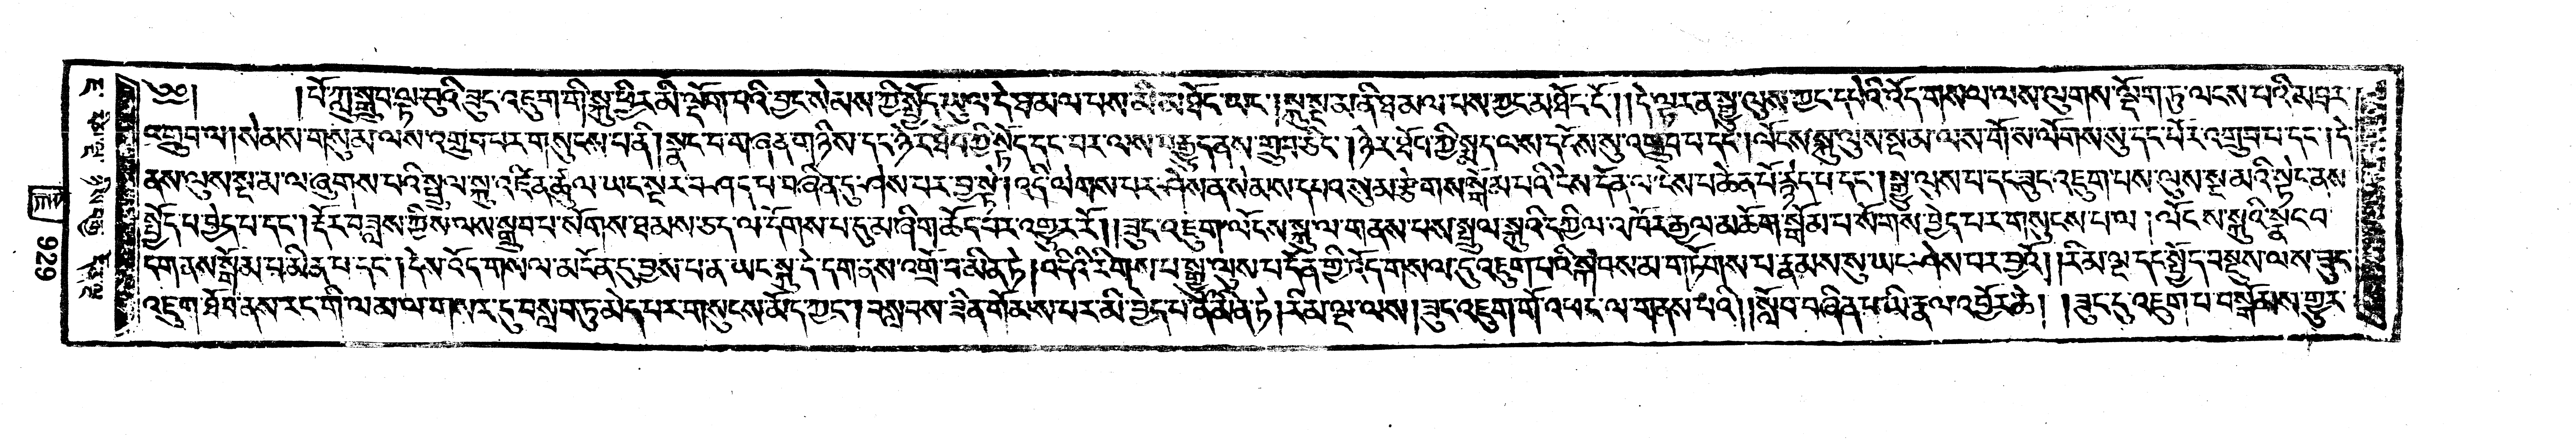༄༅། །པོ་ཀླུ་སྒྲུབ་ལྟ་བུའི་ཟུང་འཇུག་གི་སྐུ་ཕྱིར་མི་ལྡོག་པའི་བྱང་སེམས་ཀྱི་སྤྱོད་ཡུལ་དེ་ཐ་མལ་པས་མི་མཐོང་ཡང་། སྐུ་སྔ་མ་ནི་ཐ་མལ་པས་ཀྱང་མཐོང་ངོ། །དེ་ལྟར་ན་སྒྱུ་ལུས་ཀྱང་དཔེའི་འོད་གསལ་ལས་ལུགས་ལྡོག་ཏུ་ལངས་པའི་མཐར་
འགྲུབ་ལ། སེམས་གསུམ་ལས་འགྲུབ་པར་གསུངས་པ་ནི། སྣང་བ་གཞན་གཉིས་དང་ཉེར་ཐོབ་ཀྱི་སྟོད་དང་བར་ལས་བརྒྱུད་ནས་གྲུབ་ཅིང་། ཉེར་ཐོབ་ཀྱི་སྨད་ལས་དངོས་སུ་འགྲུབ་པ་དང་། ལོངས་སྐུ་ལུས་སྔ་མ་ལས་གོ་ས་ལོགས་སུ་དང་པོར་འགྲུབ་པ་དང་། དེ་
ནས་ལུས་སྔ་མ་ལ་ཞུགས་པའི་སྤྲུལ་སྐུ་འཛིན་ཚུལ་ཡང་སྔར་བཤད་པ་བཞིན་དུ་ཤེས་པར་བྱ་སྟེ། འདི་ལེགས་པར་ཤེས་ན་སེམས་དཔའ་སུམ་རྩེགས་སྒོམ་པའི་ངེས་དོན་ལ་ངེས་པ་ཆེན་པོ་རྙེད་པ་དང་། སྒྱུ་ལུས་པ་དང་ཟུང་འཇུག་པས་ལུས་སྔ་མའི་སྟེང་ནས་
སྤྱོད་པ་བྱེད་པ་དང་། རྡོར་བཟླས་ཀྱིས་ལས་སྒྲུབ་པ་སོགས་ཐམས་ཅད་ལ་དོགས་པ་དུ་མ་ཞིག་ཆོད་པར་འགྱུར་རོ། །ཟུང་འཇུག་ལོངས་སྐུ་ལ་གནས་པས་སྤྲུལ་སྐུའི་དཀྱིལ་འཁོར་རྒྱལ་མཆོག་སྒོམ་པ་སོགས་བྱེད་པར་གསུངས་པ་ལ། ལོངས་སྐུའི་སྣང་བ་
དག་ནས་སྒོམ་པ་མིན་པ་དང་། དེས་འོད་གསལ་མངོན་དུ་བྱས་པ་ན་ཡང་སྐུ་དེ་དག་ནས་འགྲོ་བ་མིན་ཏེ། འདིའི་རིགས་པ་སྒྱུ་ལུས་པ་དོན་གྱི་འོད་གསལ་དུ་འཇུག་པའི་སྐབས་མ་གཏོགས་པ་རྣམས་སུ་ཡང་ཤེས་པར་བྱའོ། །རིམ་ལྔ་དང་སྤྱོད་བསྡུས་ལས་ཟུང་
འཇུག་ཐོབ་ནས་རང་གི་ལམ་ལ་གསར་དུ་བསླབ་ཏུ་མེད་པར་གསུངས་མོད་ཀྱང་། བསླབས་ཟིན་གོམས་པར་མི་བྱེད་པ་ནི་མིན་ཏེ། རིམ་ལྔ་ལས། ཟུང་འཇུག་གོ་འཕང་ལ་གནས་པའི། །སློབ་བཞིན་པ་ཡི་རྣལ་འབྱོར་ཆེ། །ཟུང་དུ་འཇུག་པ་བསྒོམས་གྱུར་